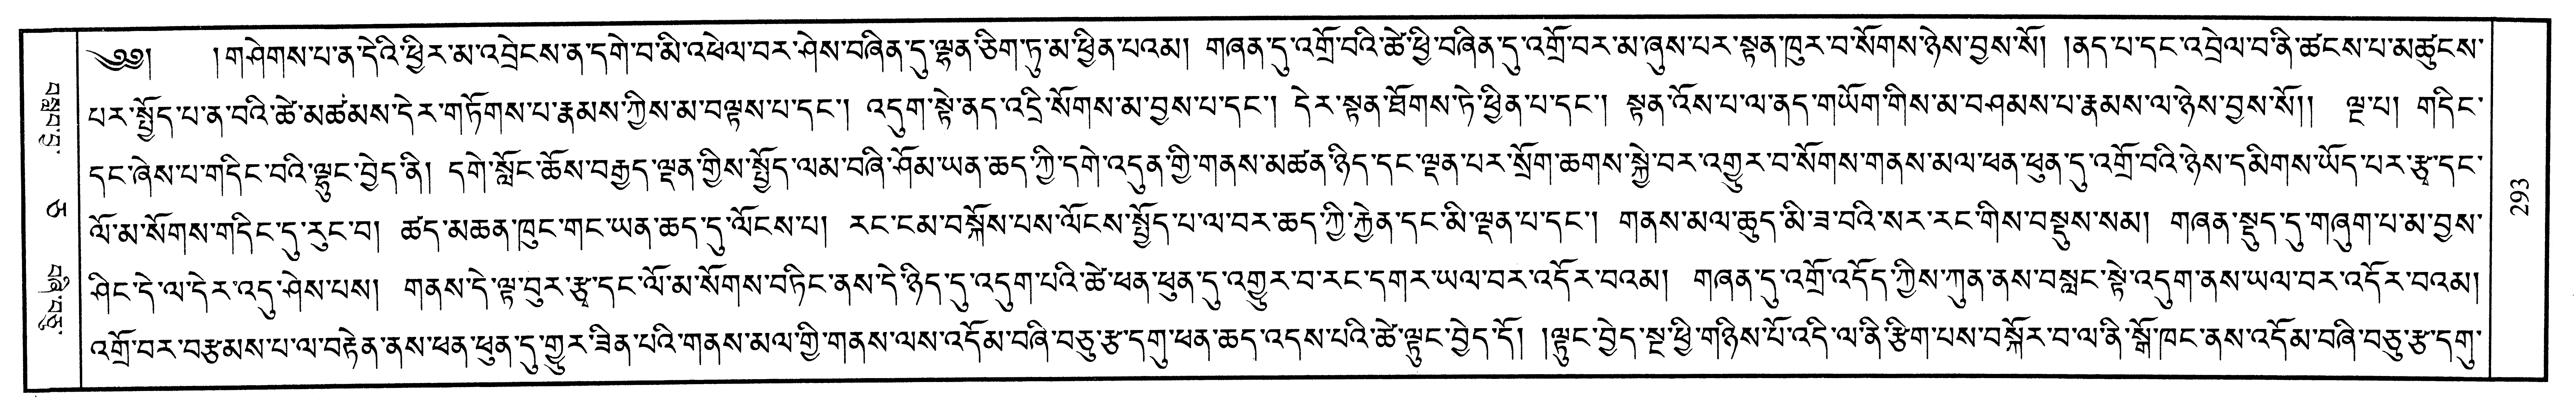༄༅། །གཤེགས་པ་ན་དེའི་ཕྱིར་མ་འབྲེངས་ན་དགེ་བ་མི་འཕེལ་བར་ཤེས་བཞིན་དུ་ལྷན་ཅིག་ཏུ་མ་ཕྱིན་པའམ། གཞན་དུ་འགྲོ་བའི་ཚེ་ཕྱི་བཞིན་དུ་འགྲོ་བར་མ་ཞུས་པར་སྟན་ཁུར་བ་སོགས་ཉེས་བྱས་སོ། །ནད་པ་དང་འབྲེལ་བ་ནི་ཚངས་པ་མཚུངས་
པར་སྤྱོད་པ་ན་བའི་ཚེ་མཚམས་དེར་གཏོགས་པ་རྣམས་ཀྱིས་མ་བལྟས་པ་དང་། འདུག་སྟེ་ནད་འདྲི་སོགས་མ་བྱས་པ་དང་། དེར་སྟན་ཐོགས་ཏེ་ཕྱིན་པ་དང་། སྟན་འོས་པ་ལ་ནད་གཡོག་གིས་མ་བཤམས་པ་རྣམས་ལ་ཉེས་བྱས་སོ།། ལྔ་པ། གདིང་
དང་ཞེས་པ་གདིང་བའི་ལྷུང་བྱེད་ནི། དགེ་སློང་ཆོས་བརྒྱད་ལྡན་གྱིས་སྤྱོད་ལམ་བཞི་ཤོམ་ཡན་ཆད་ཀྱི་དགེ་འདུན་གྱི་གནས་མཚན་ཉིད་དང་ལྡན་པར་སྲོག་ཆགས་སྐྱེ་བར་འགྱུར་བ་སོགས་གནས་མལ་ཕན་ཕུན་དུ་འགྲོ་བའི་ཉེས་དམིགས་ཡོད་པར་རྩྭ་དང་
ལོ་མ་སོགས་གདིང་དུ་རུང་བ། ཚད་མཆན་ཁུང་གང་ཡན་ཆད་དུ་ལོངས་པ། རང་ངམ་བསྐོས་པས་ལོངས་སྤྱོད་པ་ལ་བར་ཆད་ཀྱི་རྐྱེན་དང་མི་ལྡན་པ་དང་། གནས་མལ་ཆུད་མི་ཟ་བའི་སར་རང་གིས་བསྡུས་སམ། གཞན་སྡུད་དུ་གཞུག་པ་མ་བྱས་
ཤིང་དེ་ལ་དེར་འདུ་ཤེས་པས། གནས་དེ་ལྟ་བུར་རྩྭ་དང་ལོ་མ་སོགས་བཏིང་ནས་དེ་ཉིད་དུ་འདུག་པའི་ཚེ་ཕན་ཕུན་དུ་འགྱུར་བ་རང་དགར་ཡལ་བར་འདོར་བའམ། གཞན་དུ་འགྲོ་འདོད་ཀྱིས་ཀུན་ནས་བསླང་སྟེ་འདུག་ནས་ཡལ་བར་འདོར་བའམ།
འགྲོ་བར་བརྩམས་པ་ལ་བརྟེན་ནས་ཕན་ཕུན་དུ་གྱུར་ཟིན་པའི་གནས་མལ་གྱི་གནས་ལས་འདོམ་བཞི་བཅུ་རྩ་དགུ་ཕན་ཆད་འདས་པའི་ཚེ་ལྟུང་བྱེད་དོ། །ལྟུང་བྱེད་སྔ་ཕྱི་གཉིས་པོ་འདི་ལ་ནི་རྩིག་པས་བསྐོར་བ་ལ་ནི་སྒོ་ཁང་ནས་འདོམ་བཞི་བཅུ་རྩ་དགུ་